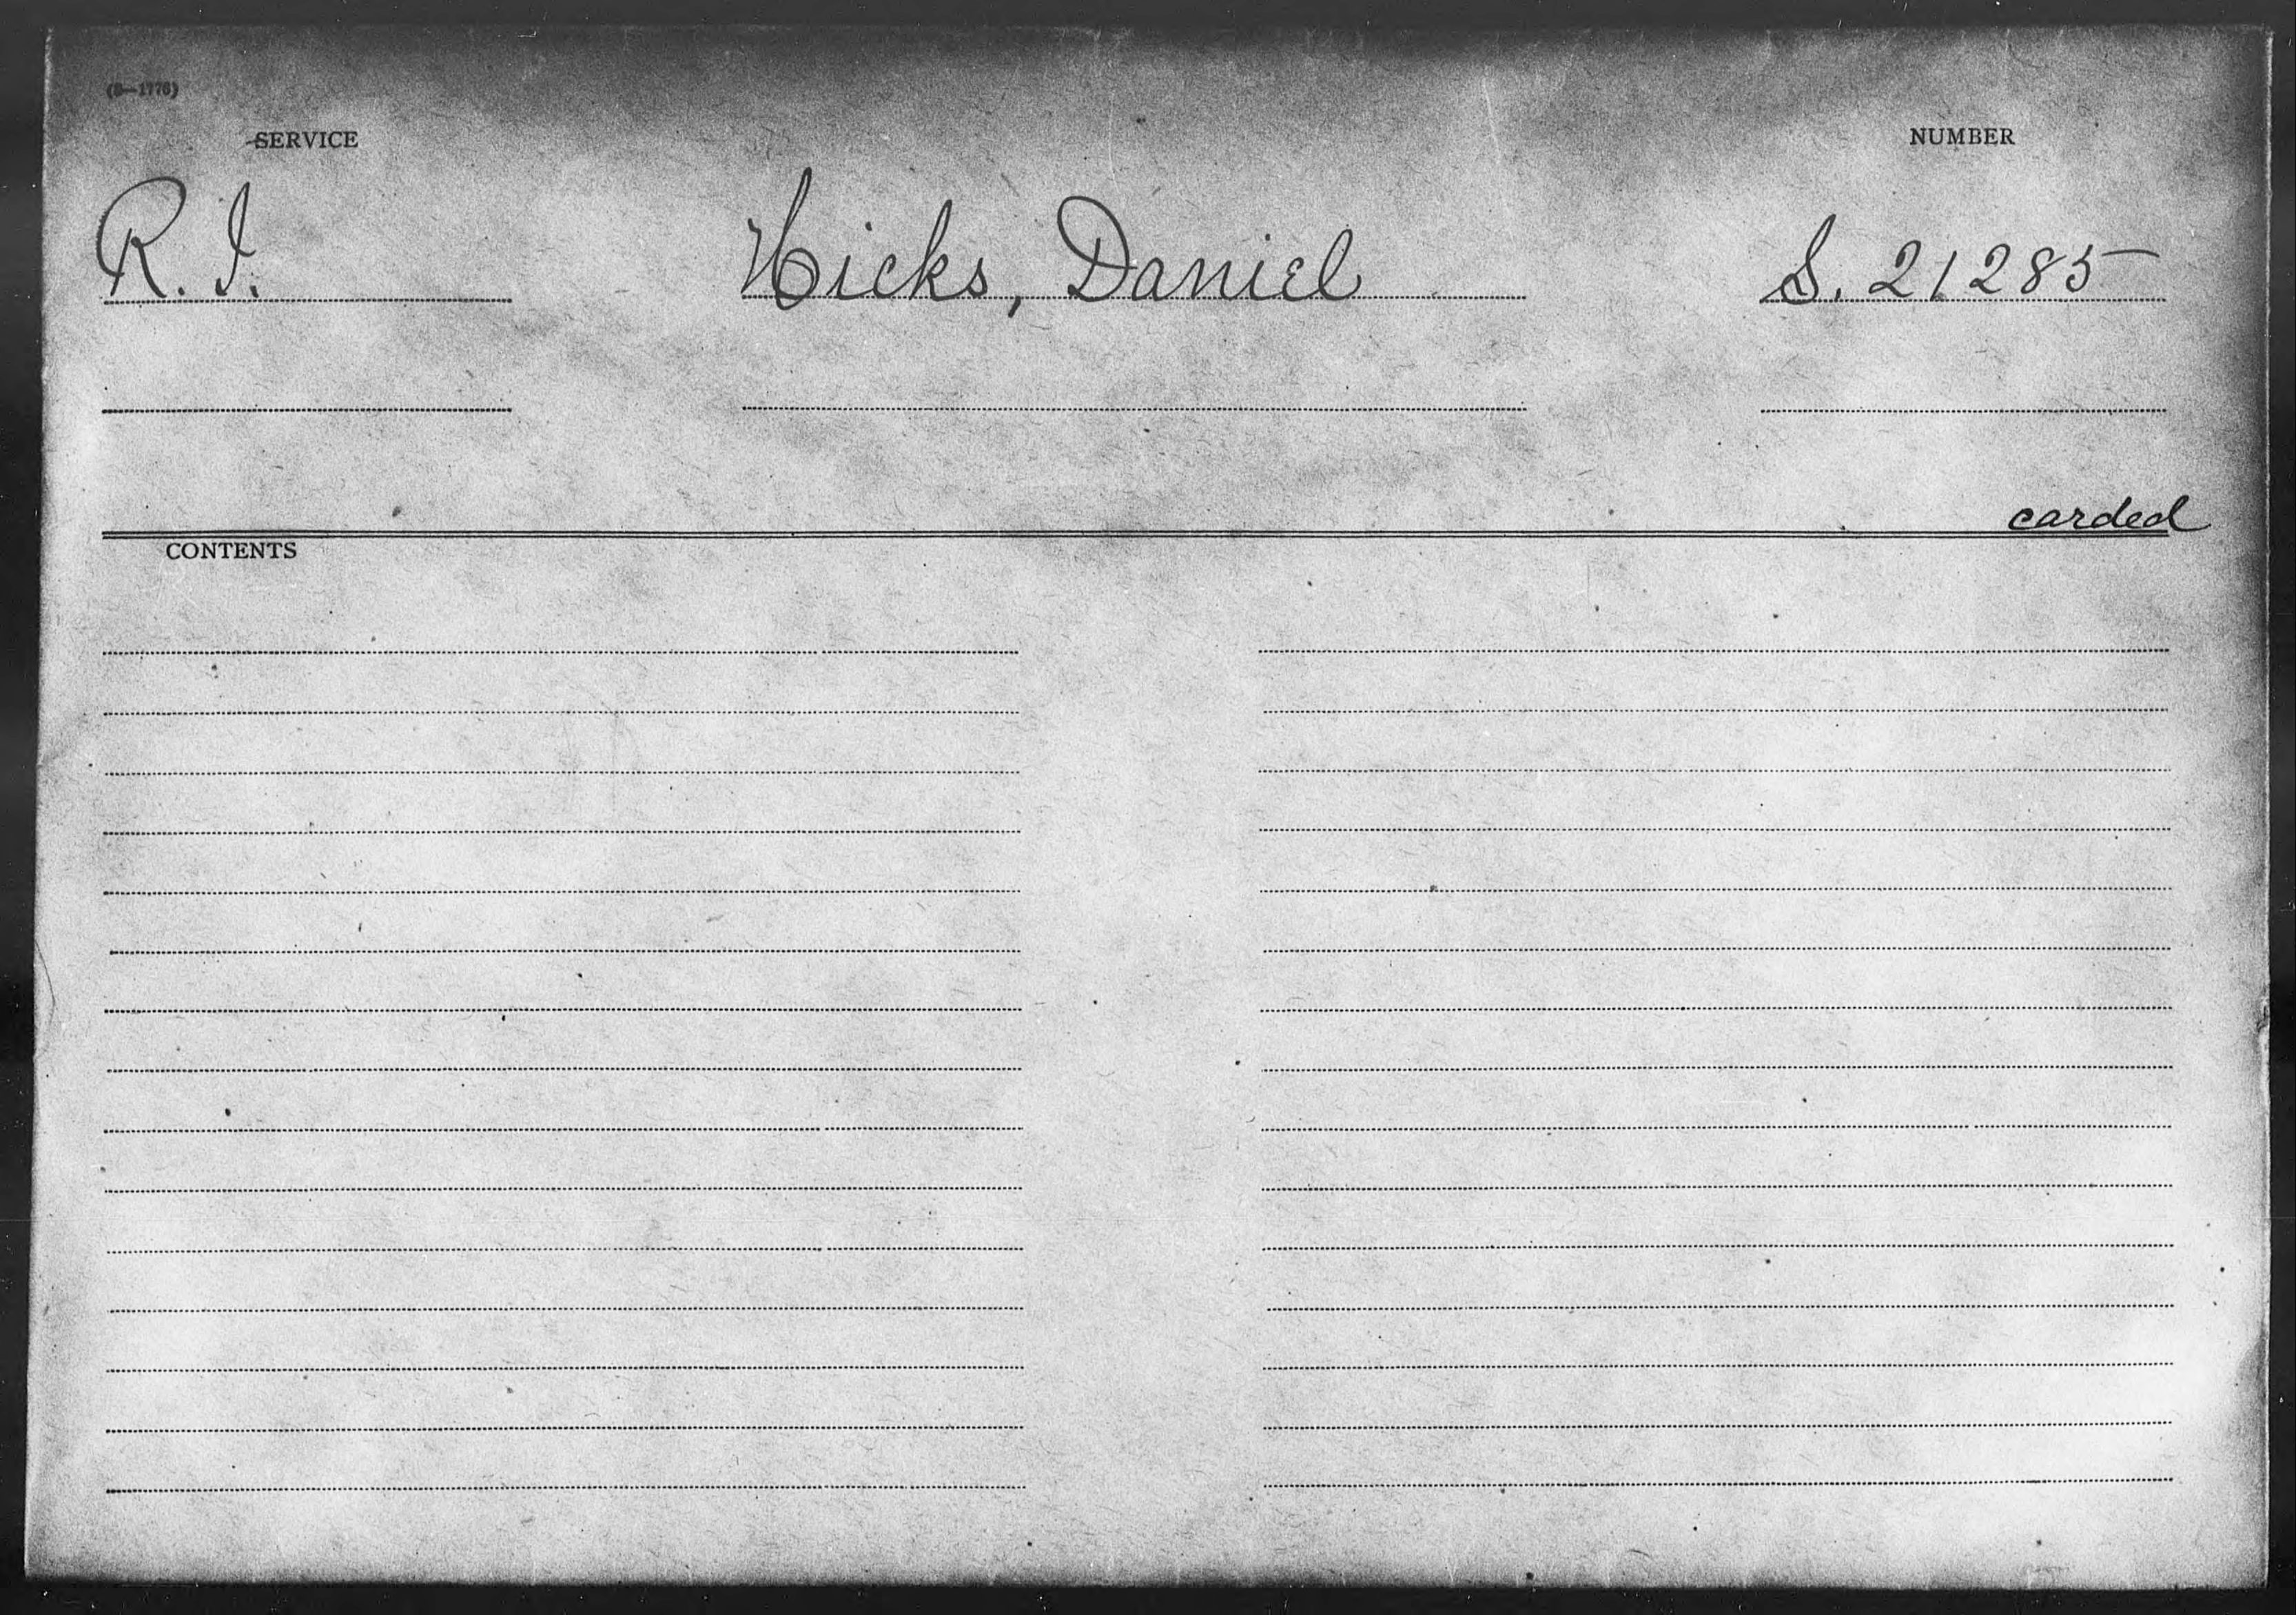SERVICE
R.I.

Hicks, Daniel

NUMBER
S.21285

Carded

CONTENTS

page: 1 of 17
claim: survivor's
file: S. 21285, Daniel Hicks, R.I.